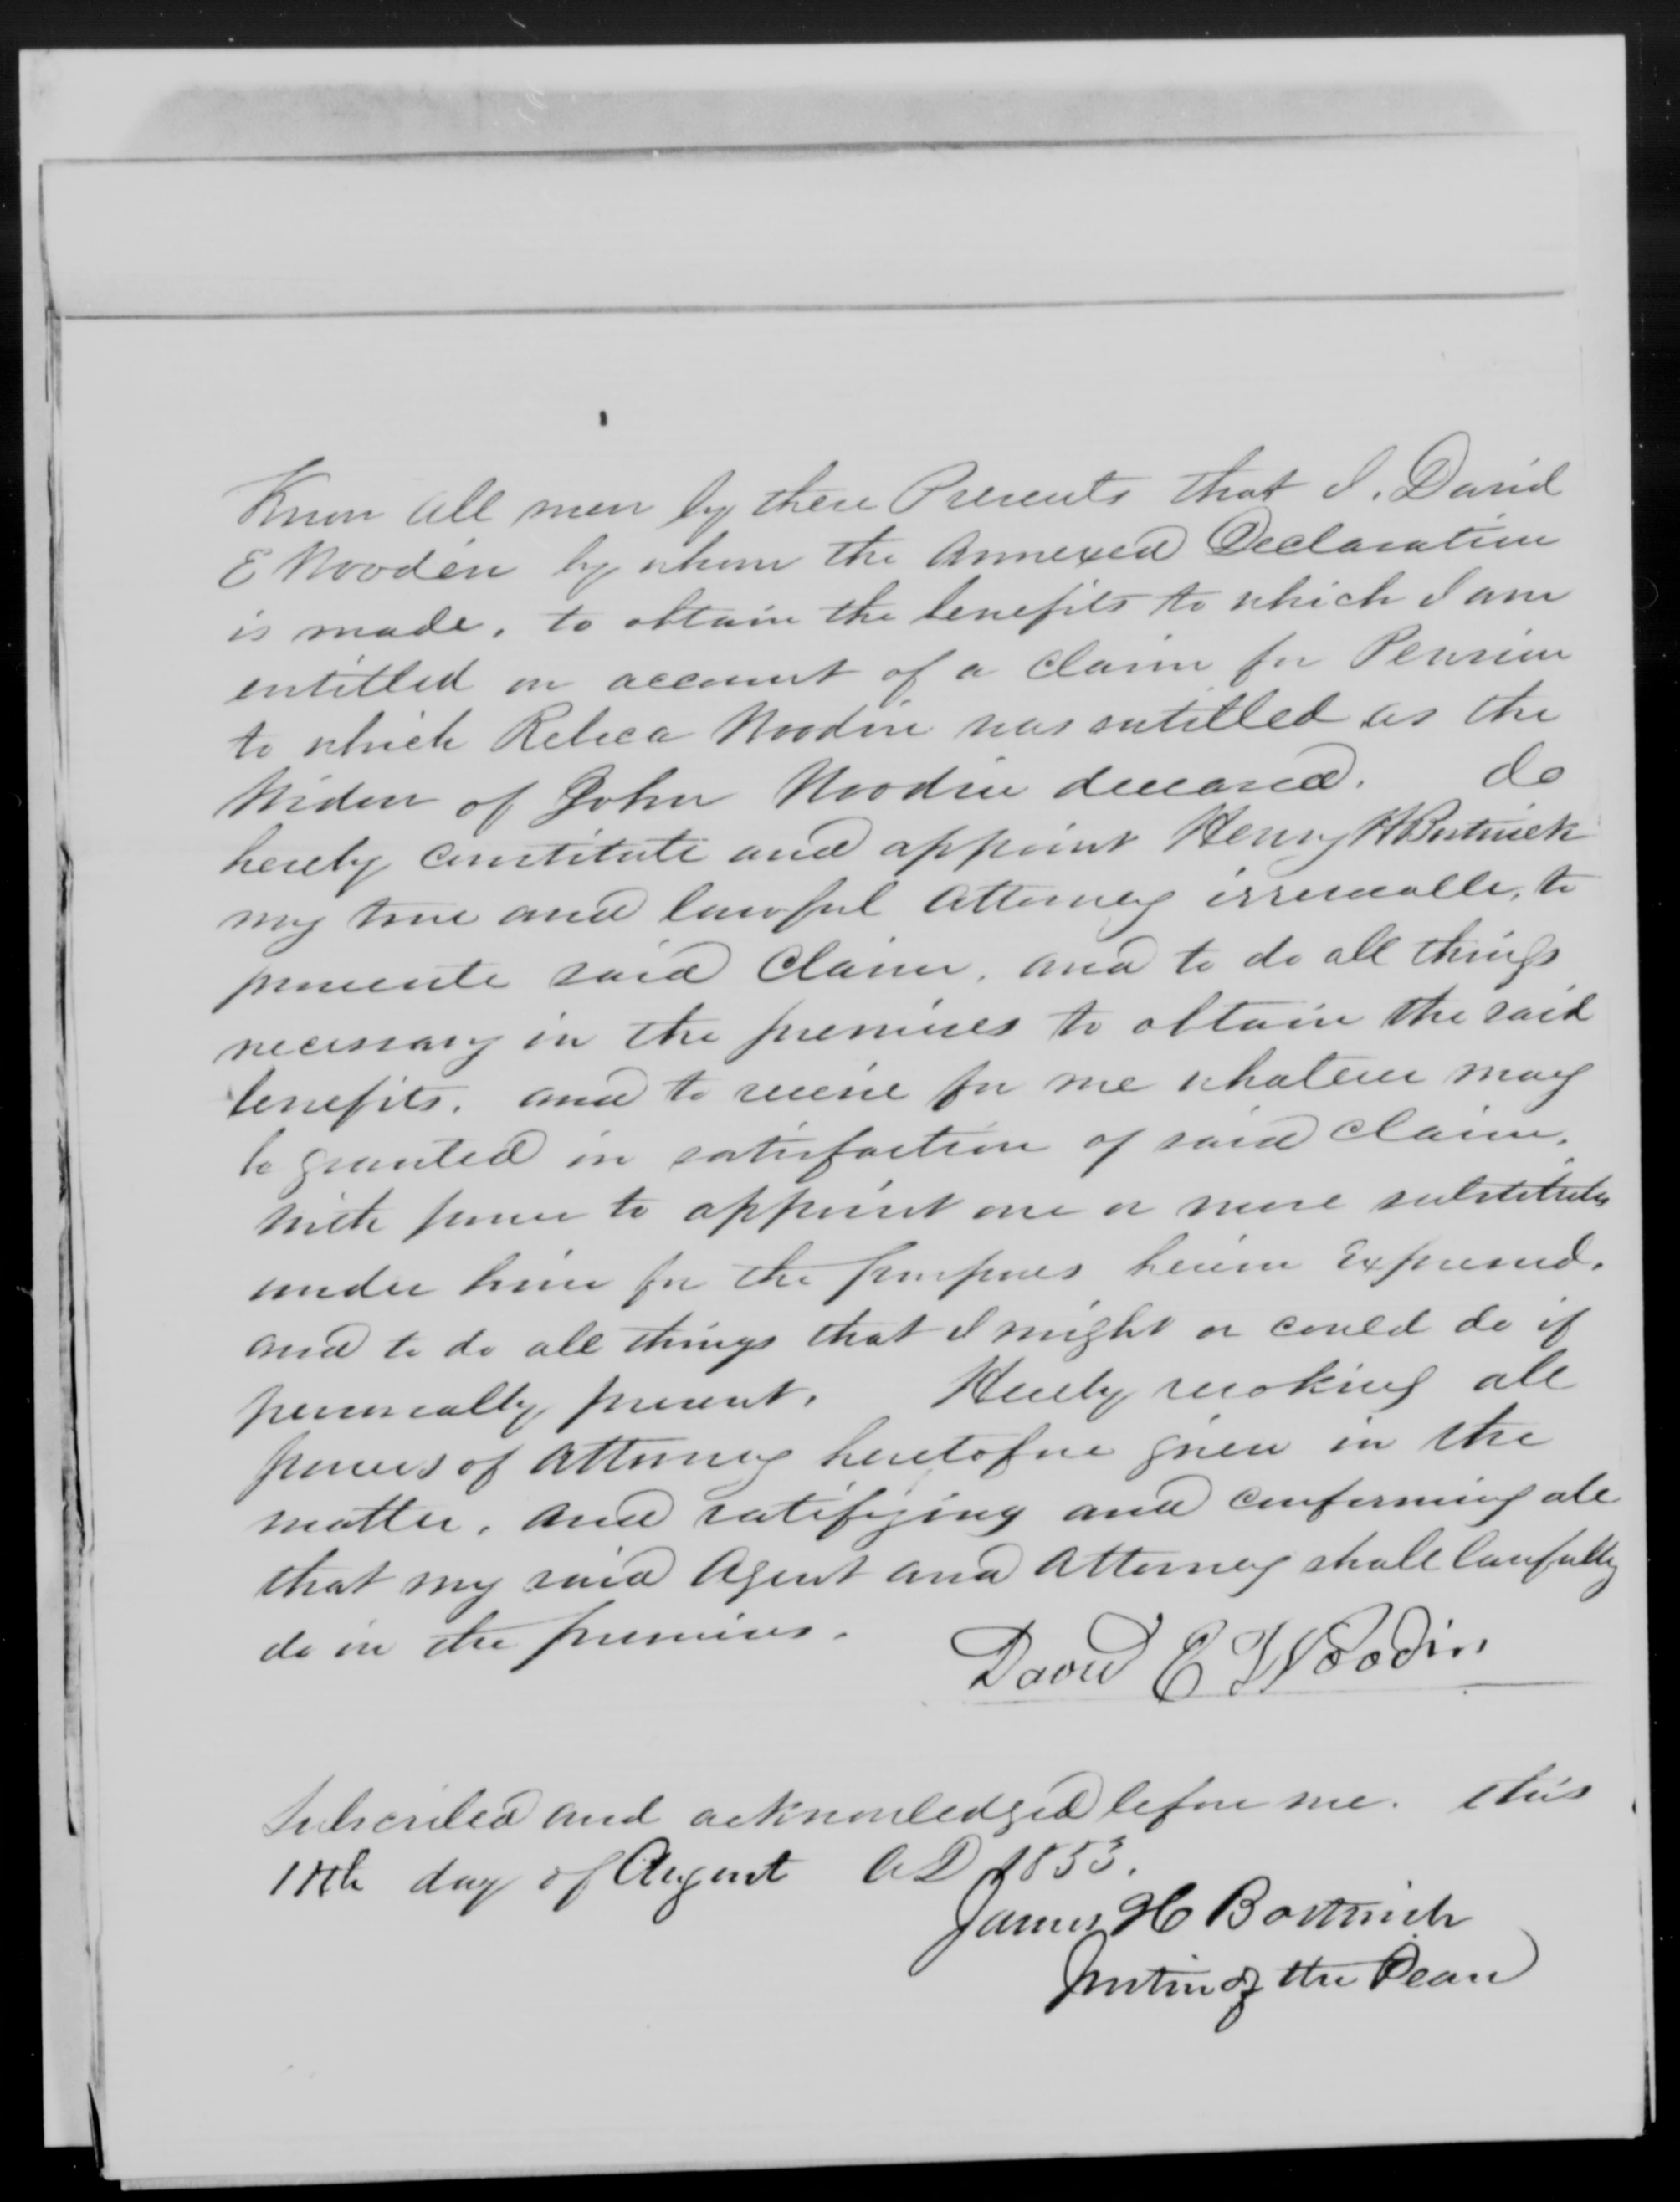Know all men by these Presents that I, David E. Woodin by whom the annexed Declaration is made, to obtain the benefits to which I am entitled on account of a claim for Pension to which Rebeca Woodin was entitled as the Widow of John Woodin deceased. do hereby constitute and appoint Henry H Bostwick my true and lawful attorney irrevocable, to prosecute said claim, and to do all things necessary in the premises to obtain the said benefits, and to receive for me whatever may to granted in satisfaction of said claim, with same to appoint one or more substitutes under him for the purposes herein expressed. and to do all things that I might or could do if personally present. Hereby revoking all powers of attorney heretofore given in the matter, and ratifying and confirming all that my said agent and attorney shall lawfully do in the premises. 
David E Woodin 
Subscribed and acknowledged before me this 11th day of August AD 1853 
James H Bostwick 
Justice of the Peace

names: Henry H Bostwick, James H Bostwich, David E Woodin, Rebeca Woodin, John Woodin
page: 8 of 77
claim: widow's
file: W. 19658, John Woodin, New York